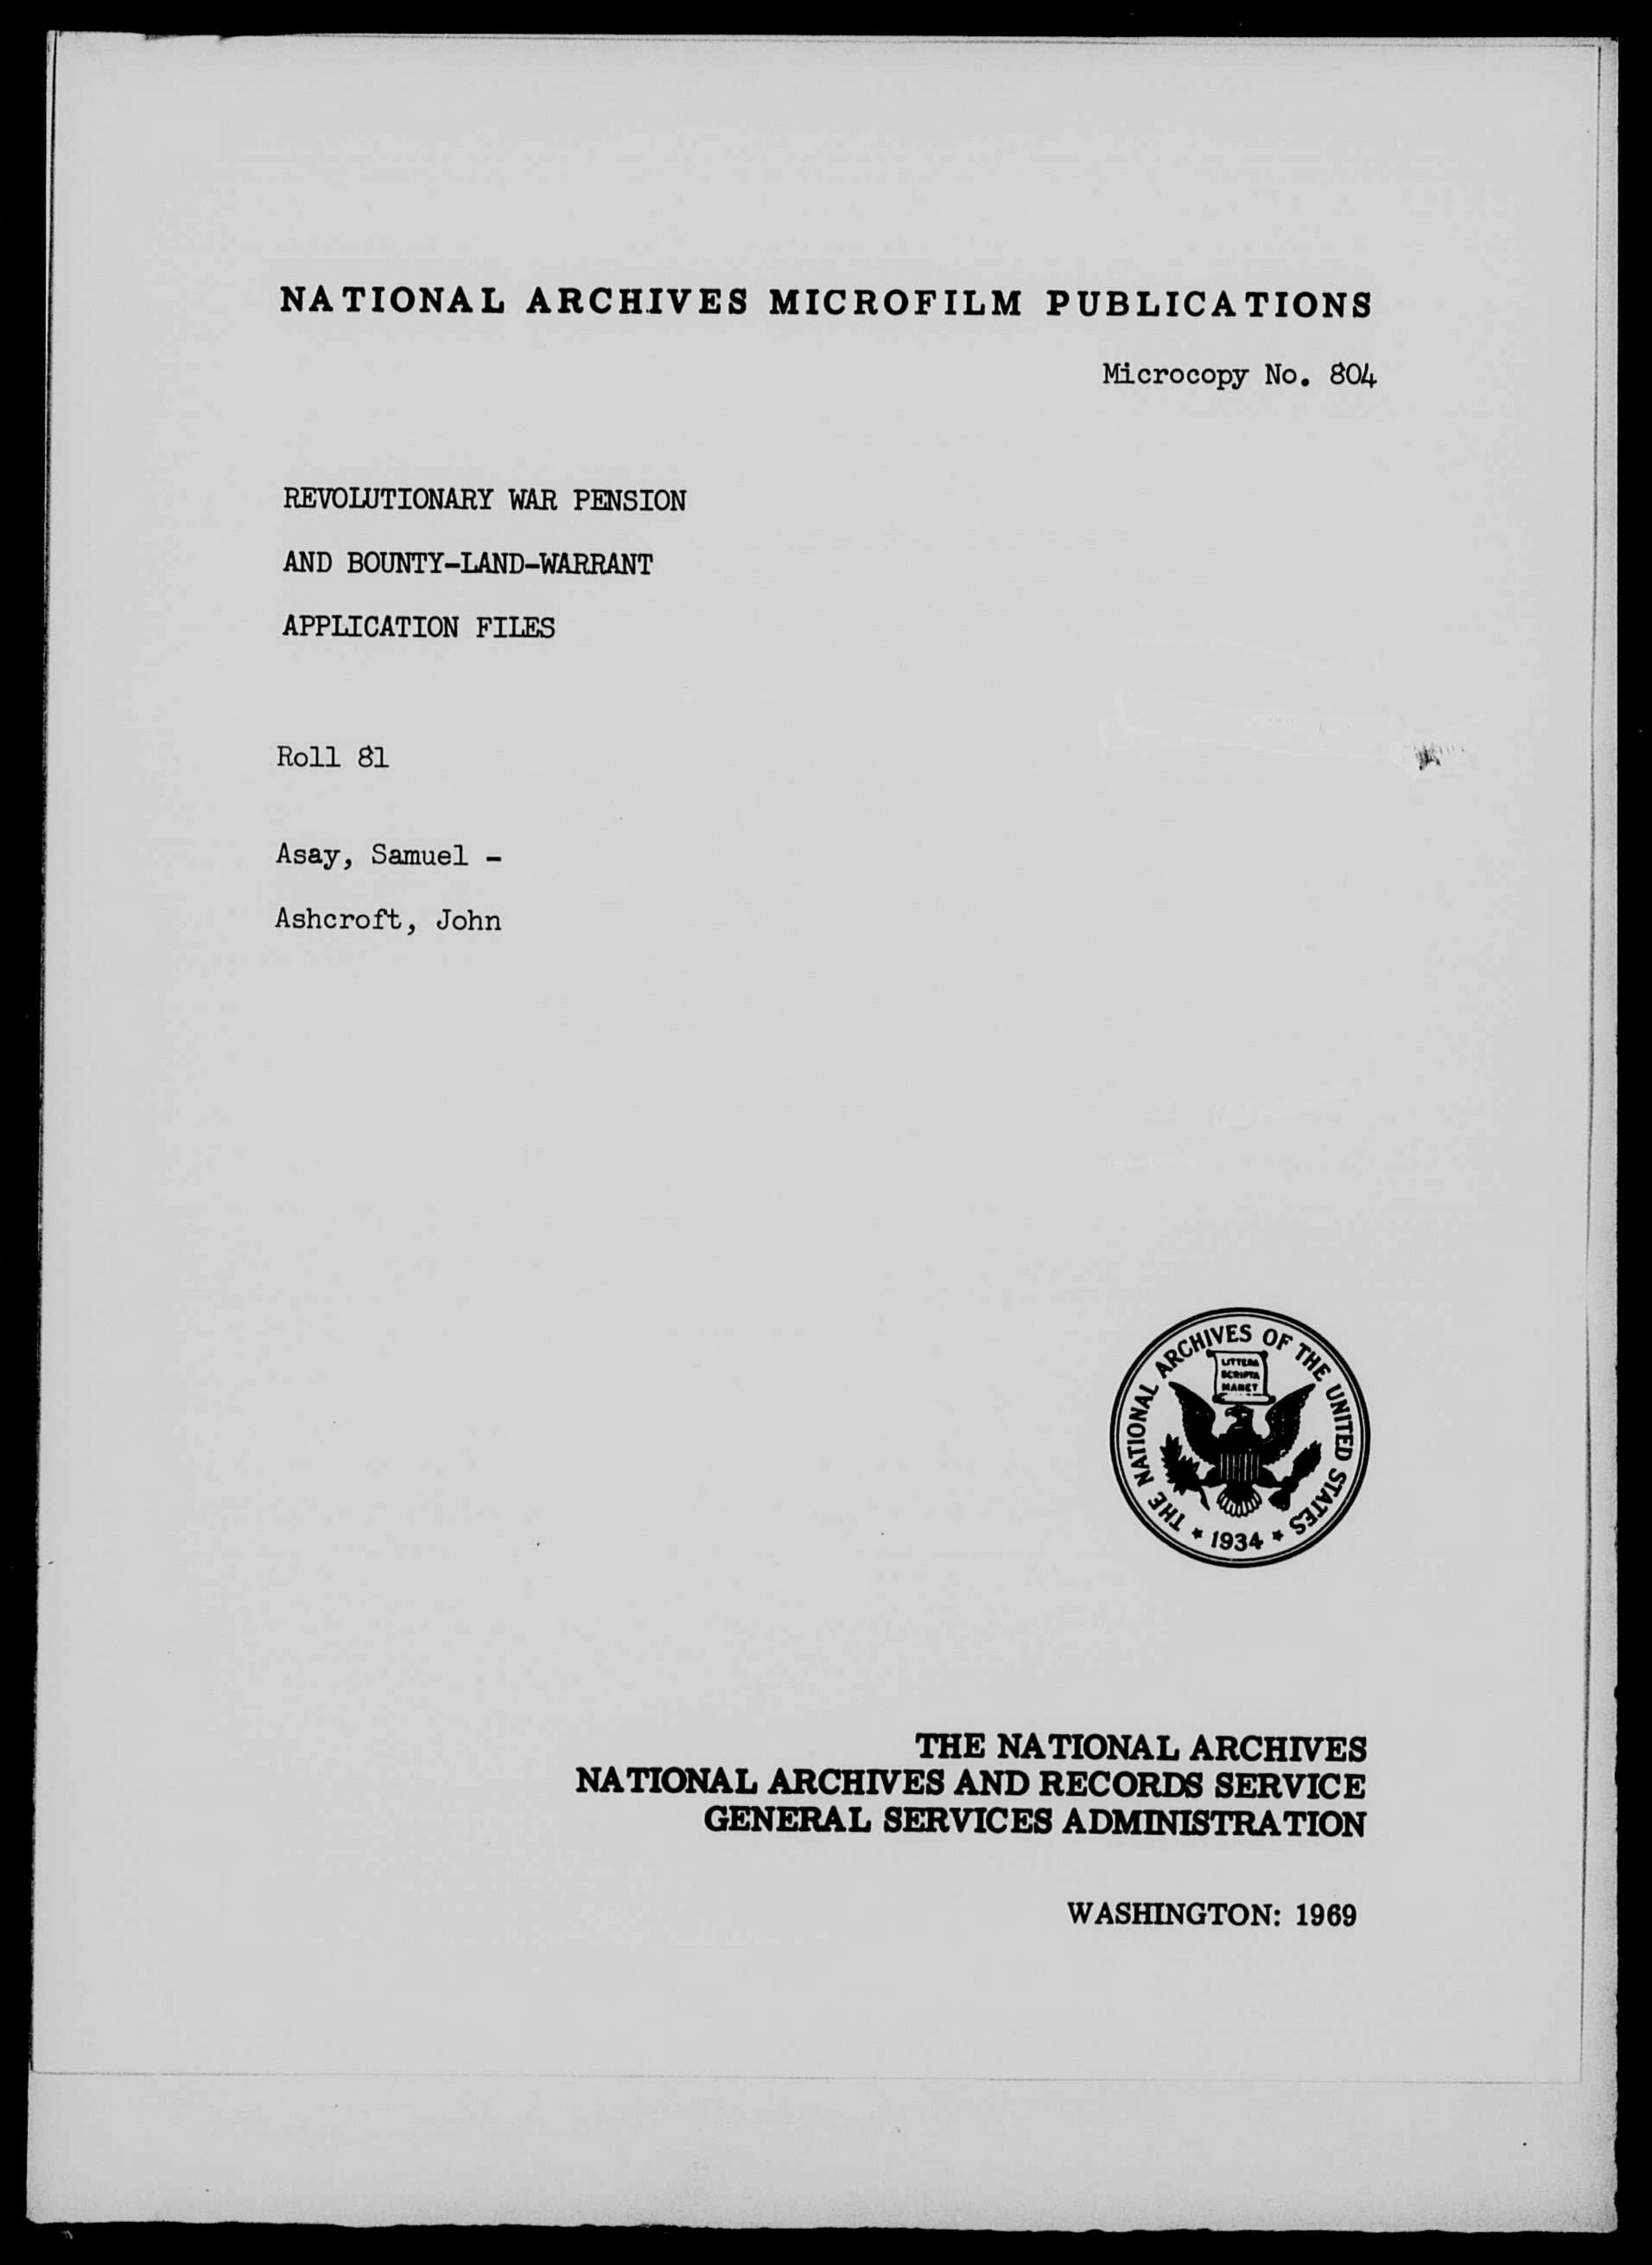NATIONAL ARCHIVES MICROFILM PUBLICATIONS
Microcopy No. 804
REVOLUTIONARY WAR PENSION AND BOUNTY LAND WARRANT APPLICATION FILES
Roll 81
Asay, Samuel
Ashcroft, John
[official stamp at lower right]The National Archives of the United States 1934 
THE NATIONAL ARCHIVES
NATIONAL ARCHIVES AND RECORDS SERVICE
GENERAL SERVICES ADMINISTRATION
WASHINGTON: 1969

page: 1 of 58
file: Revolutionary War Pension and Bounty Land Warrant Application File